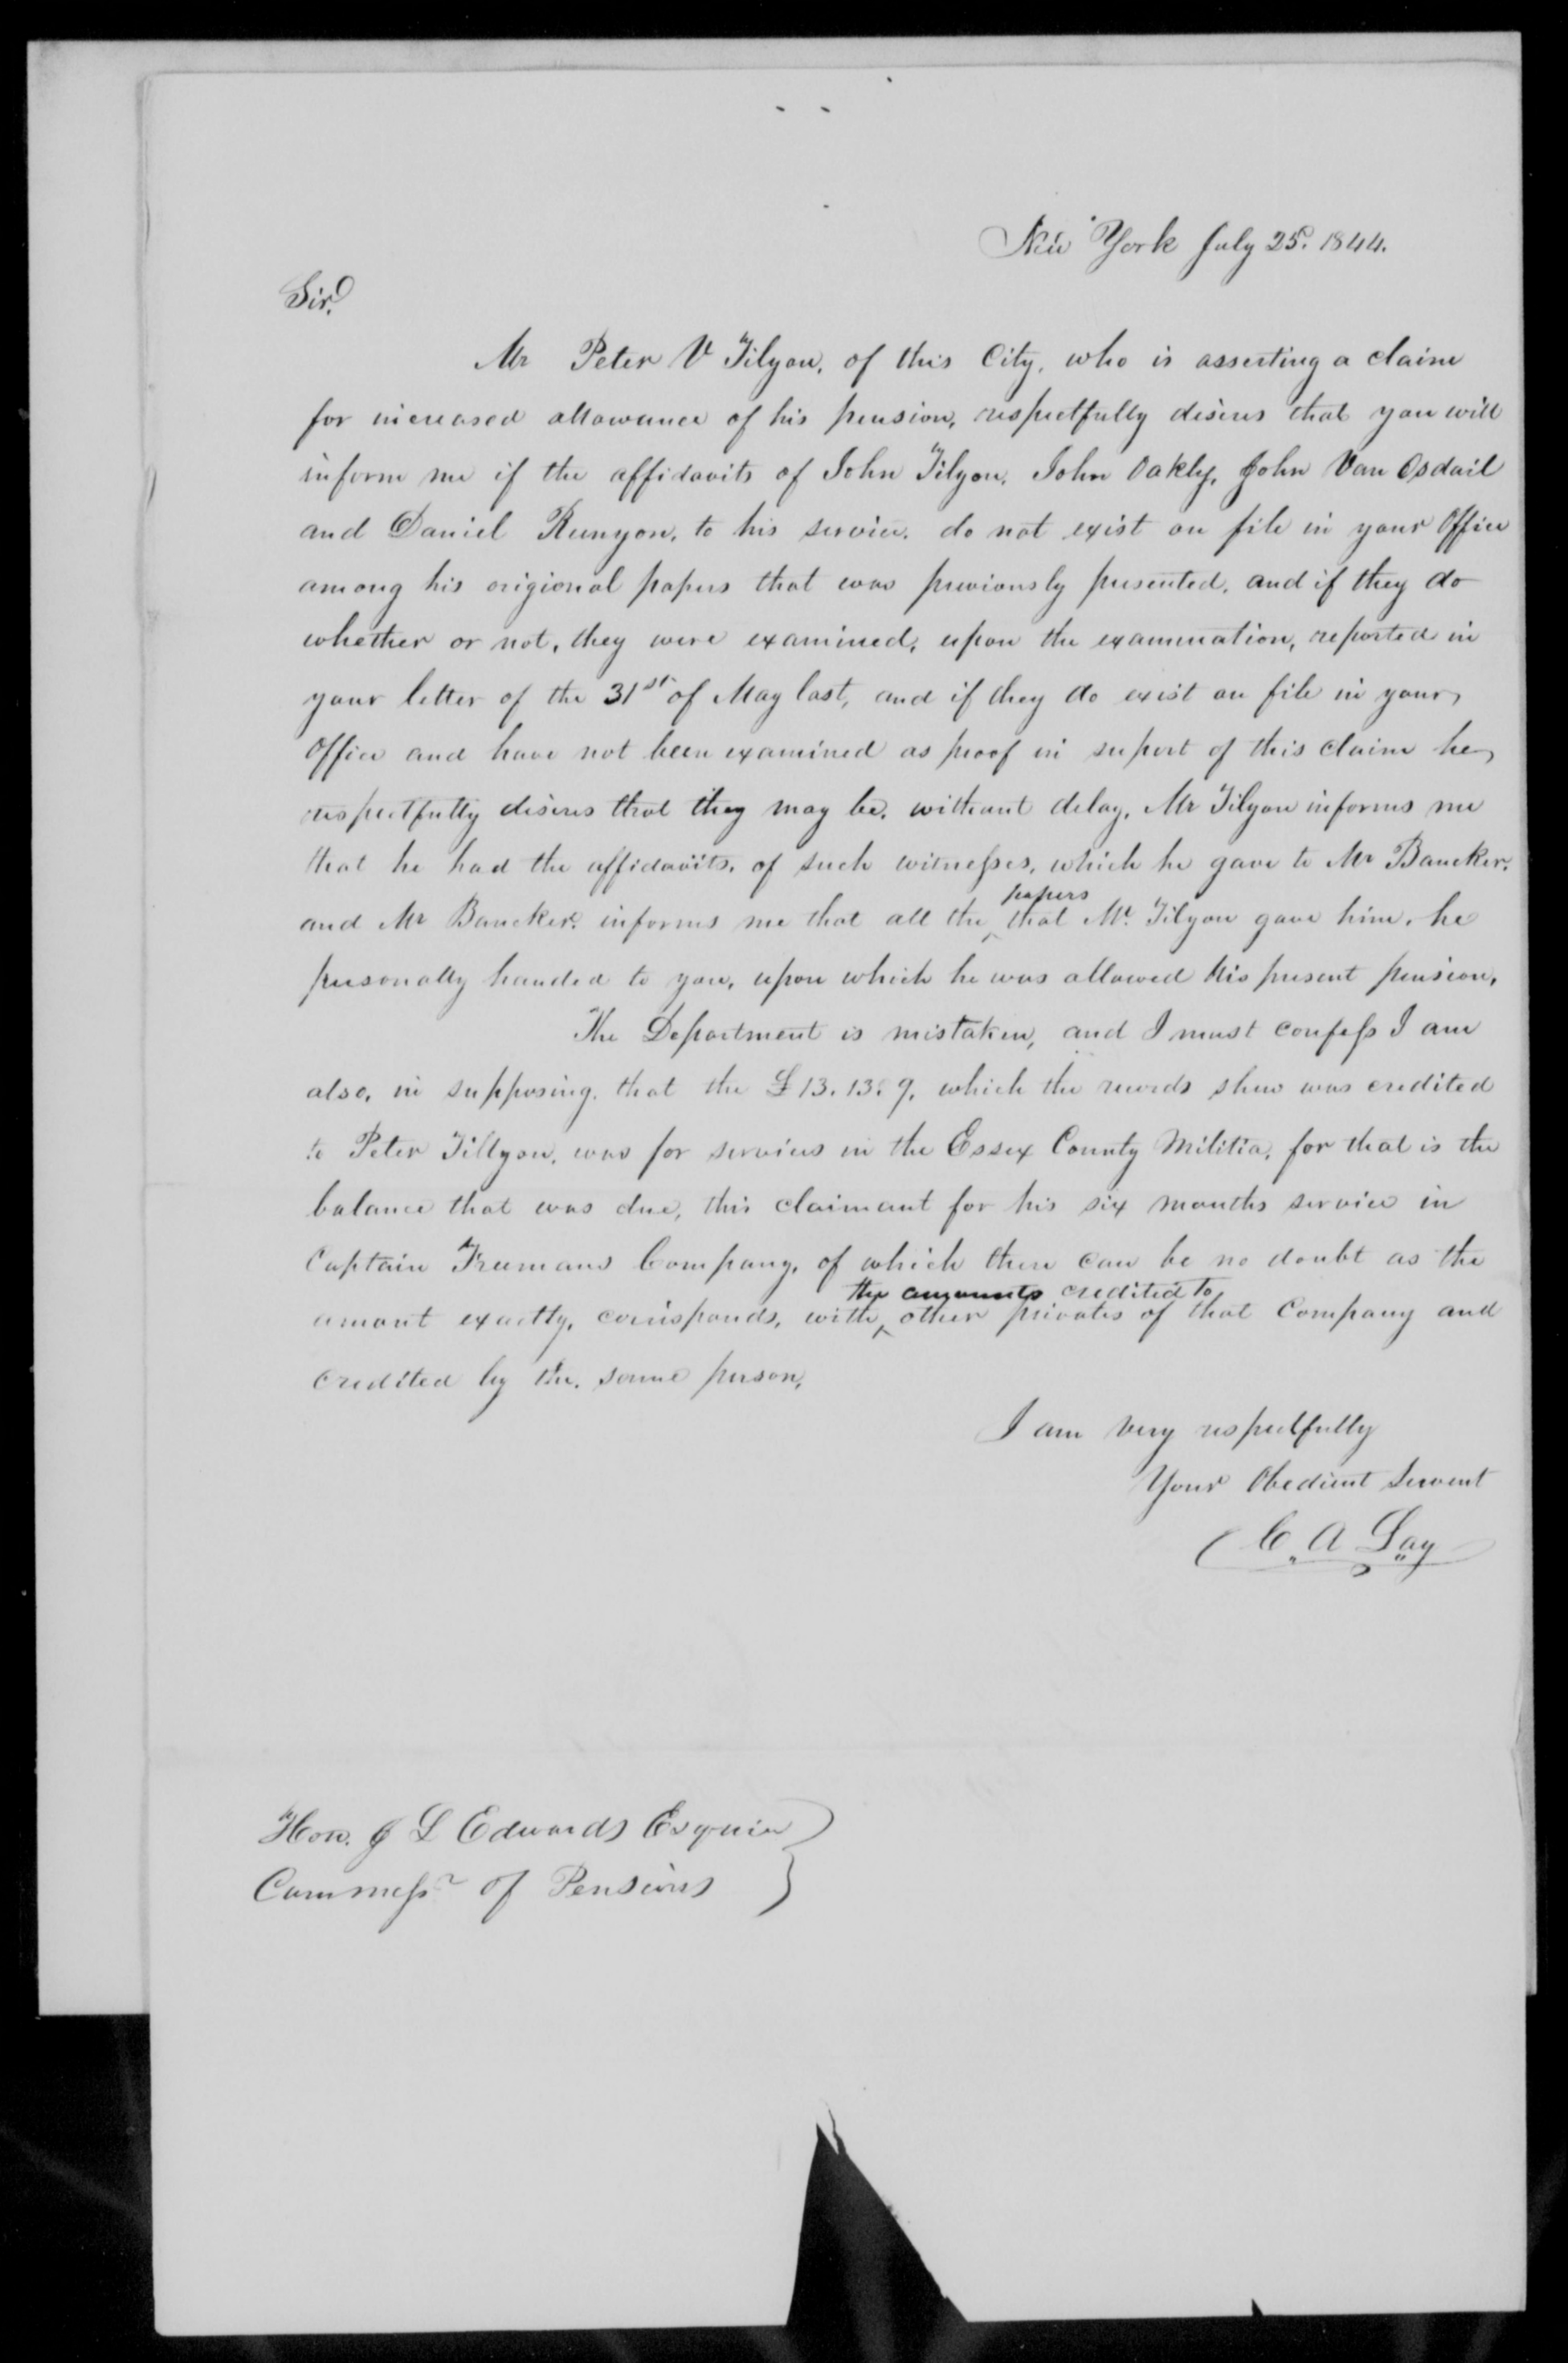New York July 25. 1844

Sir,

      Mr. Peter V. Tilyou of this City, who is asserting a claim for increased allowance of his pension, respectfully desires that you will inform me if the affidavits of John Tilyou, John Oakly, John VanOsdail and Daniel Runyon, to his service do not exist on file in your office among his original papers that was previously presented, and if they do whether or not, they were examined, upon the examination, reported in your letter of the 31st of May last, and if they do exist on file in your office and have not been examined as proof in support of this claim he respectfully desires that they may be, without delay. Mr. Tilyou informs me that he had the affidavits of such witnesses which he gave to Mr.Bancker, and Mr. Bancker informed me that all the papers Mr. Tilyou gave him, he personally handed to you, upon which he was allowed his present pension.
     The Department is mistaken, and I must confess I am also, in supposing that the $13,13 which the record shows was credited to Peter Tilyou, was for services in the Essex County militia, for that is the balance that was due this claimant for his six months service in Captain Freemans Company, of which there can be no doubt as the amount exactly corresponds with the amounts credited to other privates of that Company and credited by the same person.

               I am very respectfully
               Your Obedient Servant
                   C A Lay

Hon. JLEdwards Esquire
Commiss of Pensions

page: 54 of 101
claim: widow's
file: W. 25481, for Peter V Tilyou, New Jersey